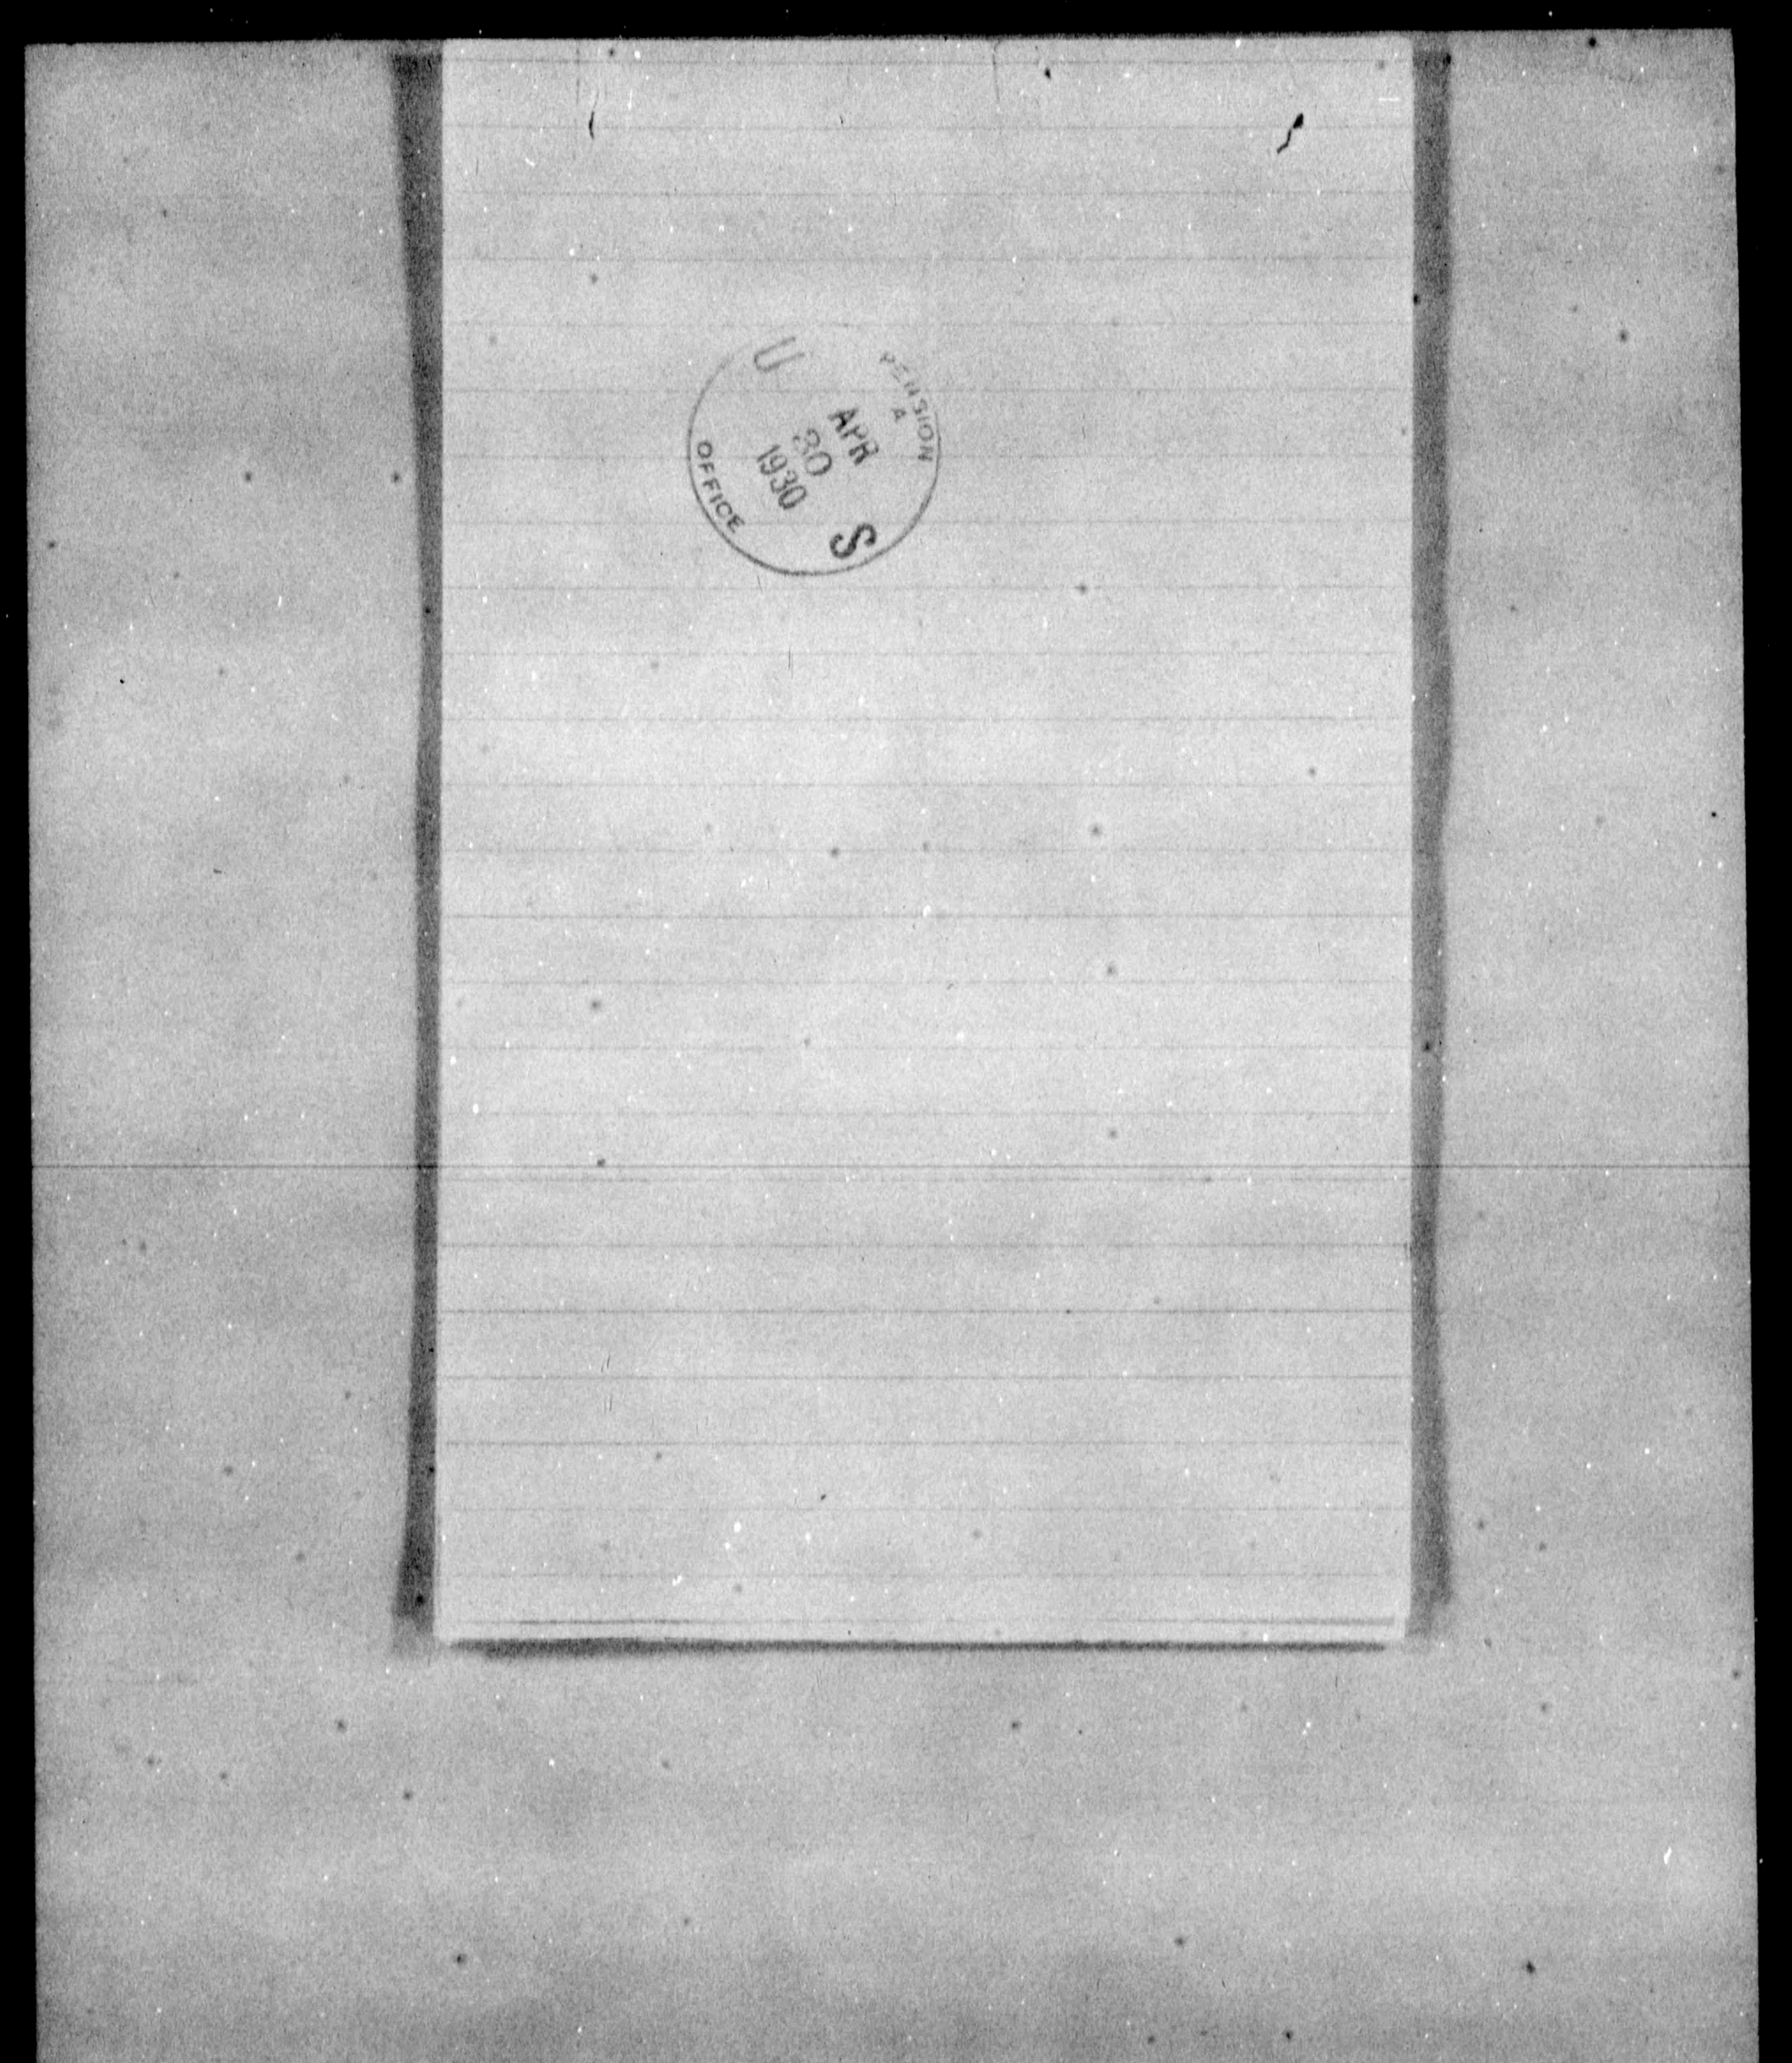[date stamp]
U. S. PENSION OFRFICE
A 
APRIL 30 1930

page: 31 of 59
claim: bounty land warrant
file: B.L.Wt. 2359-500, for Owen Roberts, South Carolina